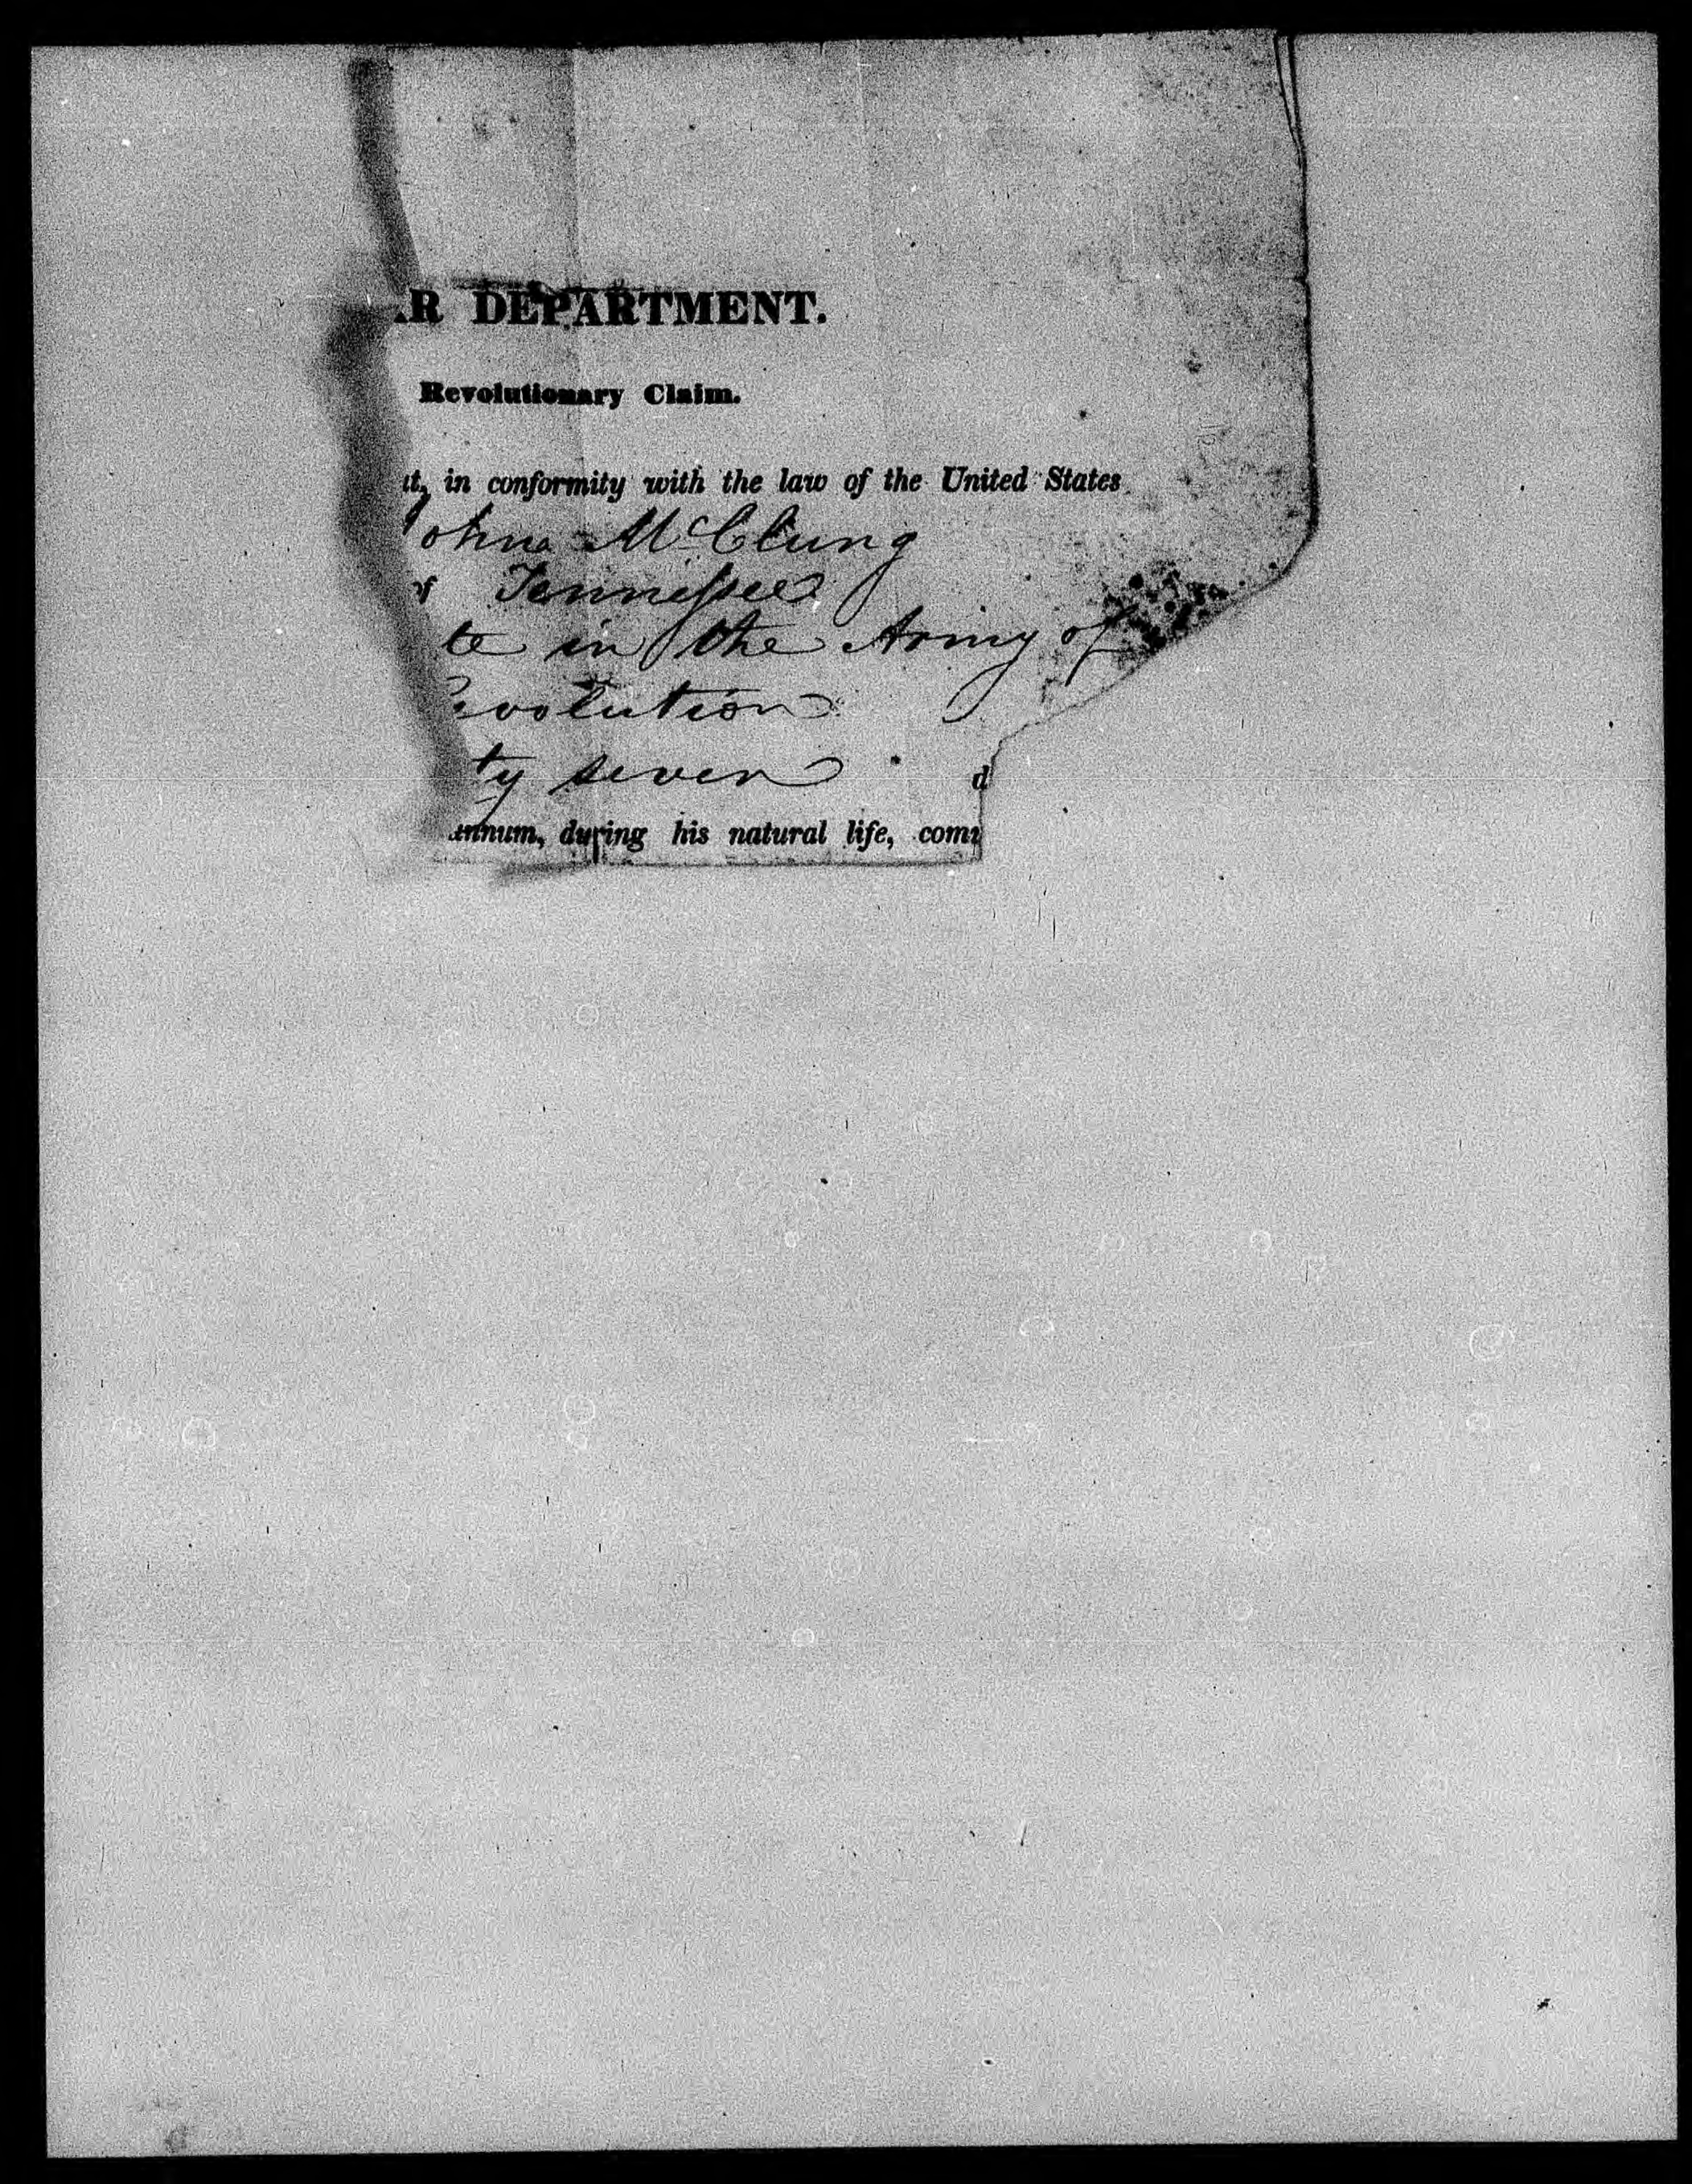[torn page]

DEPARTMENT.
Revolutionary Claim.
ity in conformity with the law of the United States.
John McClung
         Tennessee
te in the Army of 
Revolution
ty seven
num, during his natural life, Com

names: John Mc Clung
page: 37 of 115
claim: widow's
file: W. 1446, for John Mc Clung, South Carolina